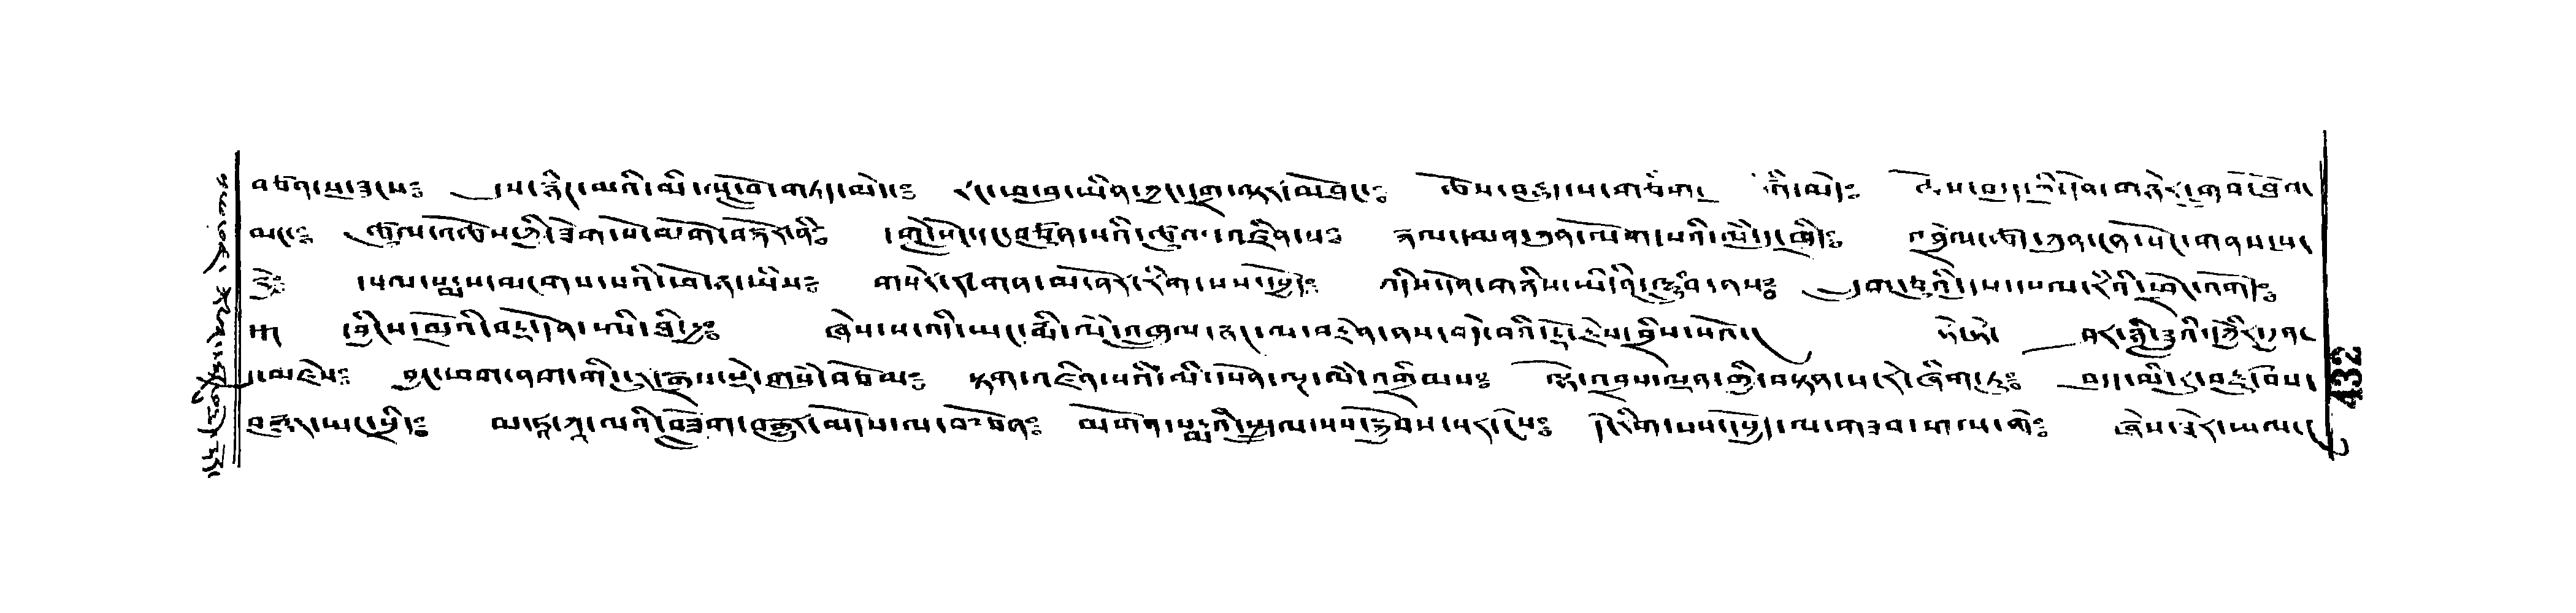བཙན་ས་ཟུངས༔ དུས་སྙིགས་མའི་མི་ལ་བློ་གཏད་མེད༔ རང་ཕ་བུ་ཡིན་ཀྱང་དགྲ་ལྟར་མཐོང༔ ཆོས་བརྒྱུད་པ་གཅིག་ཀྱང་དམ་ཚིག་མེད༔ ཆོས་བརྒྱད་ཀྱི་དོན་གཉེར་གྲུབ་ཐོབ་
མང༔ ཚུལ་འཆོས་ཀྱི་ཟོག་པོ་མགོ་བསྐོར་ནི༔ དགེ་སློང་དང་བཙུན་པའི་ཚུལ་འཛིན་པ༔ སྐལ་དམན་ཀུན་ལོག་པའི་ལམ་དུ་ཁྲིད༔འབྲེལ་ཚད་ཀུན་ངན་སོང་གནས་སུ་
སྐྱེ༔ དཔལ་པདྨ་མངགས་པའི་ཕོ་ཉ་ཡིས༔ གསེར་ར་གན་མ་ནོར་རིགས་པས་དཔྱོད༔ འདིས་དོན་གཉིས་ཡིད་བཞིན་ལྷུན་གྲུབ་ནས༔ དྲུག་བཅུའི་དུས་དཔལ་རིའི་ཕོ་བྲང་འགོད༔ 
དབྱིངས་མཁའ་འགྲོའི་བརྡ་དོན་ཨི་ཐི་རྒྱ༔ ཞེས་པ་འདི་ཡང་རྨི་ལམ་འཁྲུལ་སྣང་ལ་བརྟེན་ནས་བདེ་བའི་རྡོ་རྗེས་བྲིས་པའོ།། ཧེ་ཧེ།། ཤར་ཉི་ཟླའི་དཀྱིལ་འཁོར་རྒྱན་
དུ་མཛེས༔ བྱང་ཕག་ནག་གི་ངུར་སྒྲས་སྡེ་གསུམ་བཅོམ༔ སྟག་འཛིན་པའི་མི་དཔོན་ལྔ་ལམ་འགྲིམས༔ ལྷོ་འབྲས་ལྡན་གྱི་བསྟན་པ་རེ་ཞིག་ཏུ༔ བདུད་མི་རུ་བརྫུ་བས་
བསྒྱུར་ཡང་སྲིད༔ མ་ཧཱ་ཀཱ་ལའི་བཟློག་བརྒྱུར་མདོས་ལ་བརྩོན༔ མགོན་པདྨའི་སྤྲུལ་པས་སྐྱོབས་པར་ངེས༔ དེ་རིགས་པས་དཔྱོད་ལ་གཟབ་གལ་ཆེ༔ ཞེས་ཟེར་ཡལ།